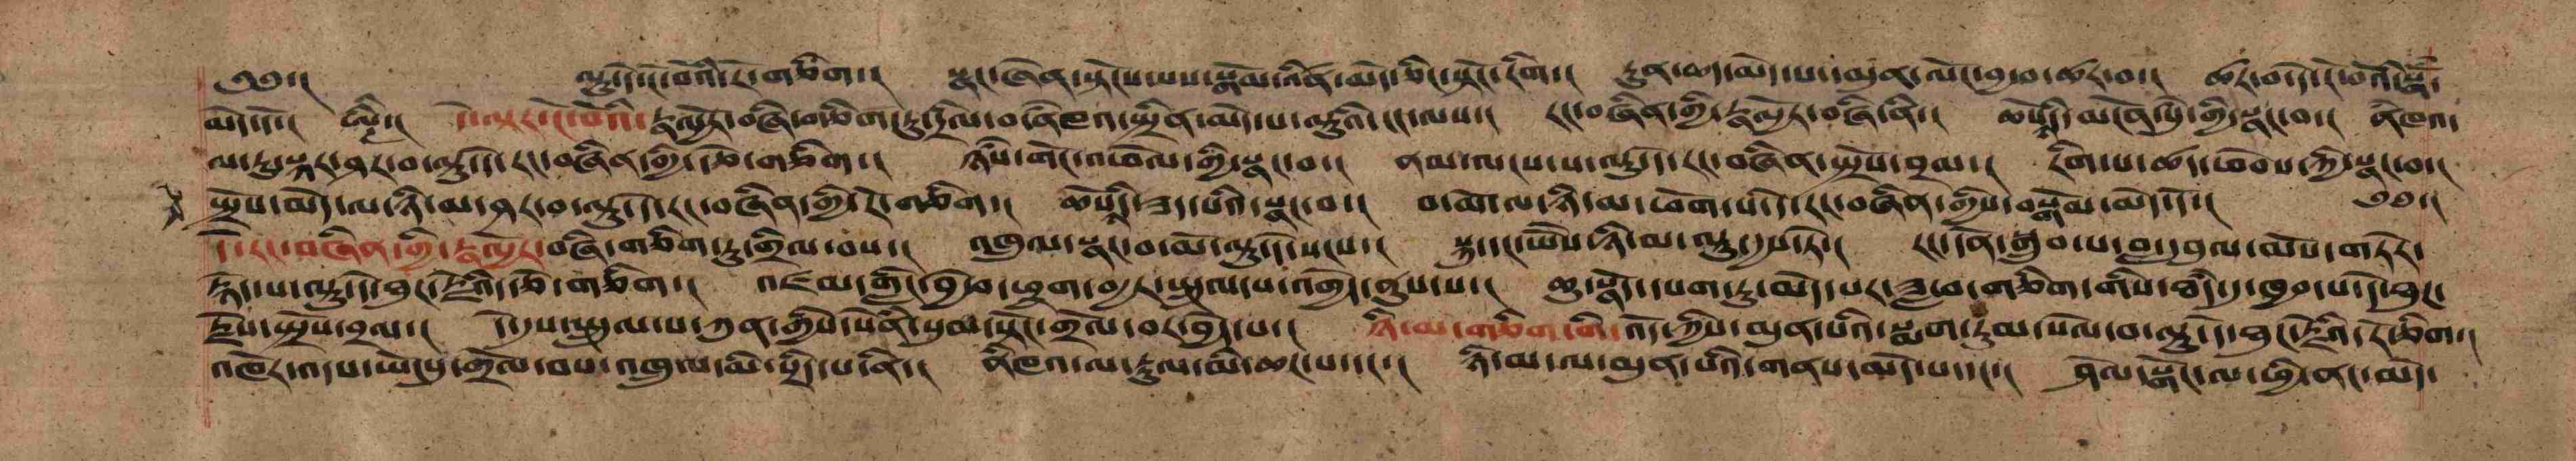༄༅། །ལྟ་བུ་དེ་ངོ་བོའི་རོ་གཅིག་པ། སྣང་ཞེན་སྟོངས་པས་སྒོ་འཛིན་མེད་ཅིང་སྟོང་རིག། རྒྱུན་ཆད་མེད་པ་དམུས་ལོང་བྱ་བ་ཚར་བ། ཚར་བ་དེ་ངོ་བོའི་སྒོམ་
མེད་དོ། །ཨྚི། དེ་ལྟར་ངོ་བོའི་རྣལ་འབྱོར་བཞི་གཅིག་ཏུ་དྲིལ་བ་ནམ་མཁའ་སྤྲིན་མེད་པ་ལྟ་བུའི་ངང་ལས། རང་བཞིན་གྱི་རྣལ་འབྱོར་བཞི་ནི། ཆོས་ཉིད་མངོན་སུམ་གྱི་སྣང་བ། ནམ་མཁའ་
ལ་རྒྱུ་སྐར་ཤར་བ་ལྟ་བུ་དེ་རང་བཞིན་གྱི་རྩེ་གཅིག། ཉམས་གོང་འཕེལ་གྱི་སྣང་བ། ནམ་ལངས་པ་ལྟ་བུ་དེ་རང་བཞིན་སྤྲོས་བྲལ། རིག་པ་ཚད་ཕེབས་ཀྱི་སྣང་བ། 
སྤྲོས་མེད་ལ་ཉི་མ་ཤར་བ་ལྟ་བུ་དེ་རང་བཞིན་གྱི་རོ་གཅིག། ཆོས་ཉིད་ཟད་པའི་སྣང་བ། བ་མོ་ལ་ཉི་མ་ཕོག་པ་དེ་རང་བཞིན་གྱི་སྒོམ་མེད་དོ། ༄༅། །
དེ་རང་བཞིན་གྱི་རྣལ་འབྱོར་བཞི་གཅིག་ཏུ་གྲིལ་བས། འཁྲུལ་སྣང་བ་མོ་ལྟ་བུ་དེ་སངས། སྐུ་དང་ཡེ་ཤེས་ཉི་མ་ལྟ་བུ་རྒྱས་ཏེ། རང་དོན་སྒྲུབ་པ་བླ་དབུལ་མོས་གཏེར་
རྙེད་པ་ལྟ་བ་དེ་ཐུགས་རྗེའི་རྩེ་གཅིག། འཛམ་བུ་གླིང་བྱེ་བ་ཕྲག་བརྒྱར་སྤྲུལ་པ་འགྱེད་ནུས་པ། ཆུ་སྣོད་དཔག་ཏུ་མེད་པར་ཟླ་བ་གཅིག་གིས་ཐམས་ཅད་དུ་ཁྱབ་པ་དེ་ཐུགས་
རྗེས་སྤྲོས་བྲལ། དེ་དུས་སྤྲུལ་པ་ཀུན་གྱིས་སེམས་ཅན་སུམ་སྟོང་གྲོལ་བར་བྱེད་པ། ཉི་མ་གཅིག་གི་འོད་ཀྱིས་མུན་པའི་སྨག་རུམ་སེལ་བ་ལྟ་བུ་དེ་ཐུགས་རྗེའི་རོ་གཅིག་། 
འཁོར་འདས་ཡོངས་སུ་གྲོལ་བས་འཁྲུལ་མི་སྲིད་པ་ནི། ནམ་མཁའ་ལ་རྡུལ་མི་ཆགས་པ་དང་། ཉི་མ་ལ་མུན་པའི་གནས་མེད་པ་དང་། ཤེལ་སྒོང་ལ་ཕྱི་ནང་མེད་